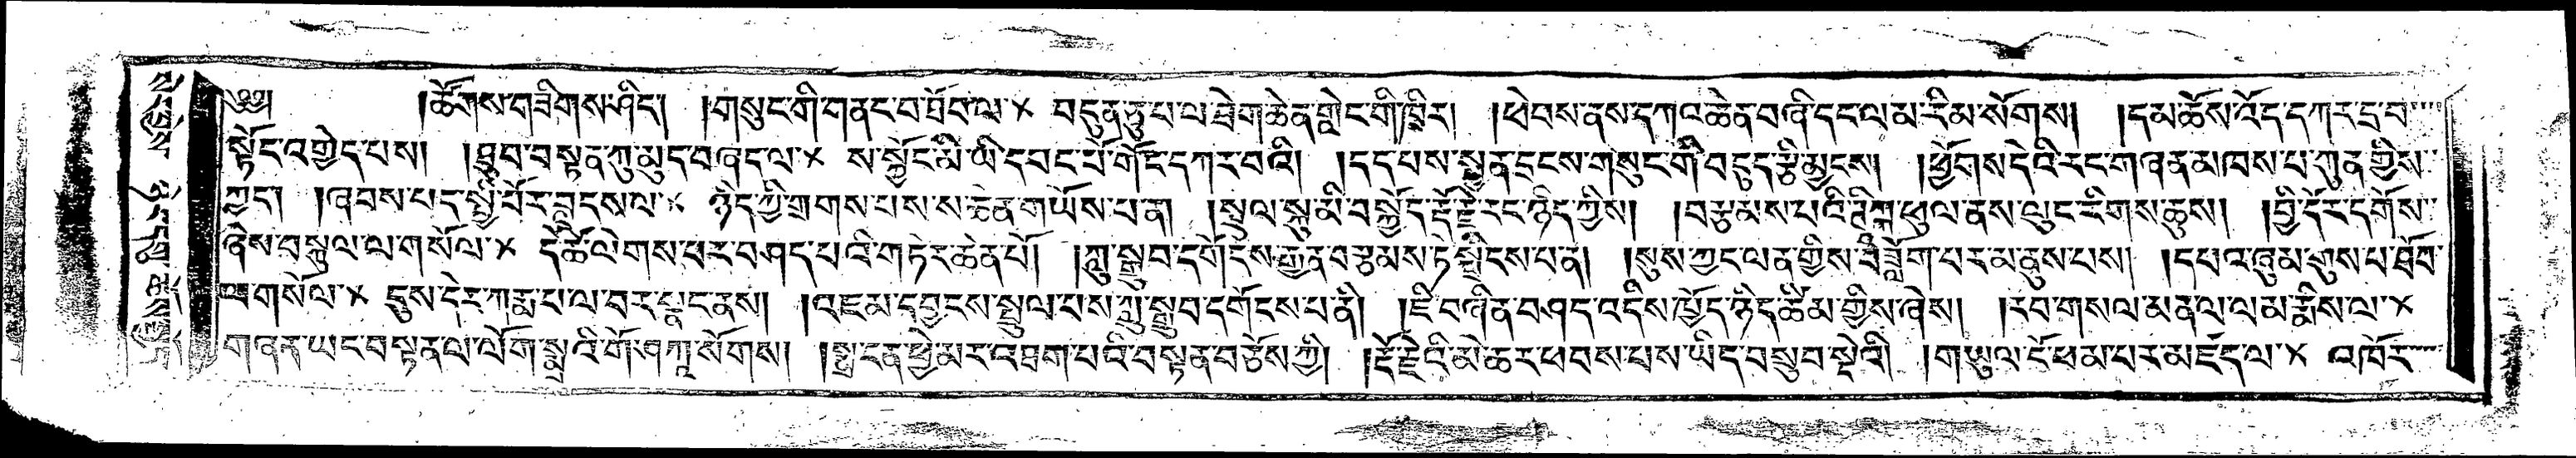༄༅། །ཚོགས་གཟིགས་ཤིང་། །གསུང་གི་གནང་བ་ཐོབ་ལ་{྾}་བདུན་ཅུ་པ་ལ་ཐེག་ཆེན་གླེང་གི་ཁྲིར། །ཕེབས་ནས་དཀའ་ཆེན་བཞི་དང་ལམ་རིམ་སོགས། །དམ་ཆོས་འོད་དཀར་དྲ་བ་
སྟོང་འགྱེད་པས། །ཐུབ་བསྟན་ཀུ་མུད་བཞང་ལ་{྾}་ས་སྐྱོང་མི་ཡི་དབང་པོ་གོང་དཀར་བའི། །དད་པས་སྤྱན་དྲངས་གསུང་གི་བདུད་རྩི་མྱངས། །ཕྱོགས་དེའི་རང་གཞན་མཁས་པ་ཀུན་གྱིས་
ཀྱང་། །ཞབས་པད་སྤྱི་བོར་བླངས་ལ་{྾}་ཉིད་ཀྱི་གྲགས་པས་ས་ཆེན་གཡོས་པ་ན། །སྤྲུལ་སྐུ་མི་བསྐྱོད་རྡོ་རྗེ་རང་ཉིད་ཀྱིས། །བརྩམས་པའི་ཊཱིཀྐ་ཕུལ་ནས་ལུང་རིགས་ཆུས། །བྱི་དོར་དགོས་
ཞེས་བསྐུལ་ལ་གསོལ་{྾}་དེ་ཚེ་ལེགས་པར་བཤད་པའི་གཏེར་ཆེན་པོ། །ཀླུ་སྒྲུབ་དགོངས་རྒྱན་བརྩམས་ཏེ་སྤྲིངས་པ་ན། །སུས་ཀྱང་ལན་གྱིས་བཟློག་པར་མ་ནུས་པས། །དཔའ་ཞུམ་གུས་པ་ཐོབ་
ལ་གསོལ་{྾}་དུས་དེར་ཀརྨ་པ་ལ་བར་སྣང་ནས། །འཇམ་དབྱངས་སྤྲུལ་པས་ཀླུ་སྒྲུབ་དགོངས་པ་ནི། །ཇི་བཞིན་བཤད་འདིས་ཁྱོད་ཉིད་ཚིམ་གྱིས་ཞེས། །རབ་གསལ་མན་ལ་ལམ་རྨིས་ལ་{྾}
གཞན་ཡང་བསྟན་ལ་ལོག་སྨྲའི་གོ་ཤཀཱ་སོགས། །སྨྲ་ངན་ཕྱེ་མར་འཐག་པའི་བསྟན་བཅོས་ཀྱི། །རྡོ་རྗེའི་མེ་ཆར་ཕབས་པས་ཡིད་བསྲུབ་སྡེའི། །གཡུལ་ངོ་ཕམ་པར་མཛད་ལ་{྾}་འཁོར་